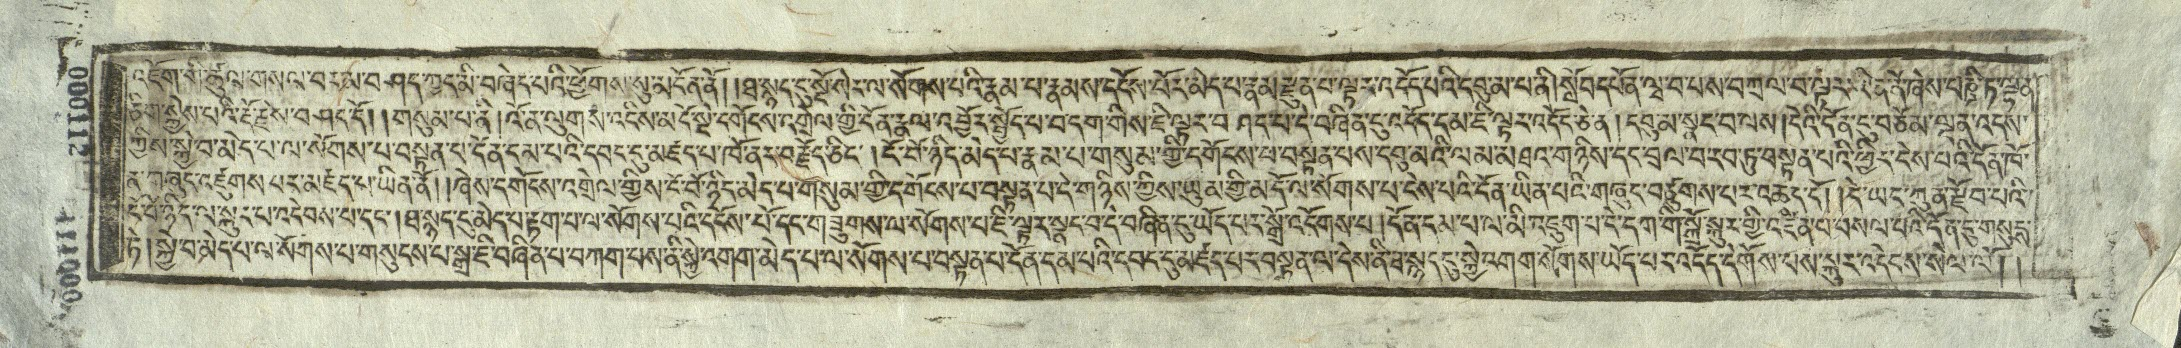འཇོག་གི་ཚུལ་གསལ་བར་མ་བཤད་ཀྱང་མི་བཞེད་པའི་ཕྱོགས་སུ་མངོན་ནོ། །ཐ་སྙད་དུ་སྔོ་སེར་ལ་སོགས་པའི་རྣམ་པ་རྣམས་དངོས་པོར་མེད་པ་རྣམ་རྫུན་པ་ལྟར་འདོད་པའི་དབུ་མ་པ་ནི། སློབ་དཔོན་ལྭ་བ་པས་བཀྲལ་བ་ལྟར་ཡིན་ནོ་ཞེས་པཎྜི་ཏ་ལྷན་
ཅིག་སྐྱེས་པའི་རྡོ་རྗེས་བཤད་དོ། །གསུམ་པ་ནི། འོ་ན་ལུགས་འདིས་མདོ་སྡེ་དགོངས་འགྲེལ་གྱི་དོན་རྣལ་འབྱོར་སྤྱོད་པ་བ་དག་གིས་ཇི་ལྟར་བཤད་པ་དེ་བཞིན་དུ་འདོད་དམ་ཇི་ལྟར་འདོད་ཅེ་ན། དབུ་མ་སྣང་བ་ལས། དེའི་དོན་དུ་བཅོམ་ལྡན་འདས་
ཀྱིས་སྐྱེ་བ་མེད་པ་ལ་སོགས་པ་བསྟན་པ་དོན་དམ་པའི་དབང་དུ་མཛད་པ་ཁོ་ནར་བརྗོད་ཅིང་། ངོ་བོ་ཉིད་མེད་པ་རྣམ་པ་གསུམ་གྱི་དགོངས་པ་བསྟན་པས་དབུ་མའི་ལམ་མཐའ་གཉིས་དང་བྲལ་བ་རབ་ཏུ་བསྟན་པའི་ཕྱིར་ངེས་པའི་དོན་ཁོ་
ན་གཞུང་འཛུགས་པར་མཛད་པ་ཡིན་ནོ། །ཞེས་དགོངས་འགྲེལ་གྱིས་ངོ་བོ་ཉིད་མེད་པ་གསུམ་གྱི་དགོངས་པ་བསྟན་པ་དེ་གཉིས་ཀྱིས་ཡུམ་གྱི་མདོ་ལ་སོགས་པ་ངེས་པའི་དོན་ཡིན་པའི་གཞུང་བཙུགས་པར་འཆད་དོ། །དེ་ཡང་ཀུན་རྫོབ་པའི་
ངོ་བོ་ཉིད་ལ་སྐུར་པ་འདེབས་པ་དང་། ཐ་སྙད་དུ་མེད་པ་རྟག་པ་ལ་སོགས་པའི་དངོས་པོ་དང་གཟུགས་ལ་སོགས་པ་ཇི་ལྟར་སྣང་བ་དེ་བཞིན་དུ་ཡོད་པར་སྒྲོ་འདོགས་པ། དོན་དམ་པ་ལ་མི་འཇུག་པ་དེ་དག་གི་སྒོ་སྐུར་གྱི་འཛིན་པ་བསལ་བའི་དོན་དུ་གསུངས་
ཏེ། སྐྱེ་བ་མེད་པ་ལ་སོགས་པ་གསུངས་པ་སྒྲ་ཇི་བཞིན་པ་བཀག་པས་ནི་སྐྱེ་འགག་མེད་པ་ལ་སོགས་པ་བསྟན་པ་དོན་དམ་པའི་དབང་དུ་མཛད་པར་བསྟན་ལ་དེས་ནི་ཐ་སྙད་དུ་སྐྱེ་འགག་སོགས་ཡོད་པར་འདོད་དགོས་པས་སྐུར་འདེབས་སེལ་ལོ། །